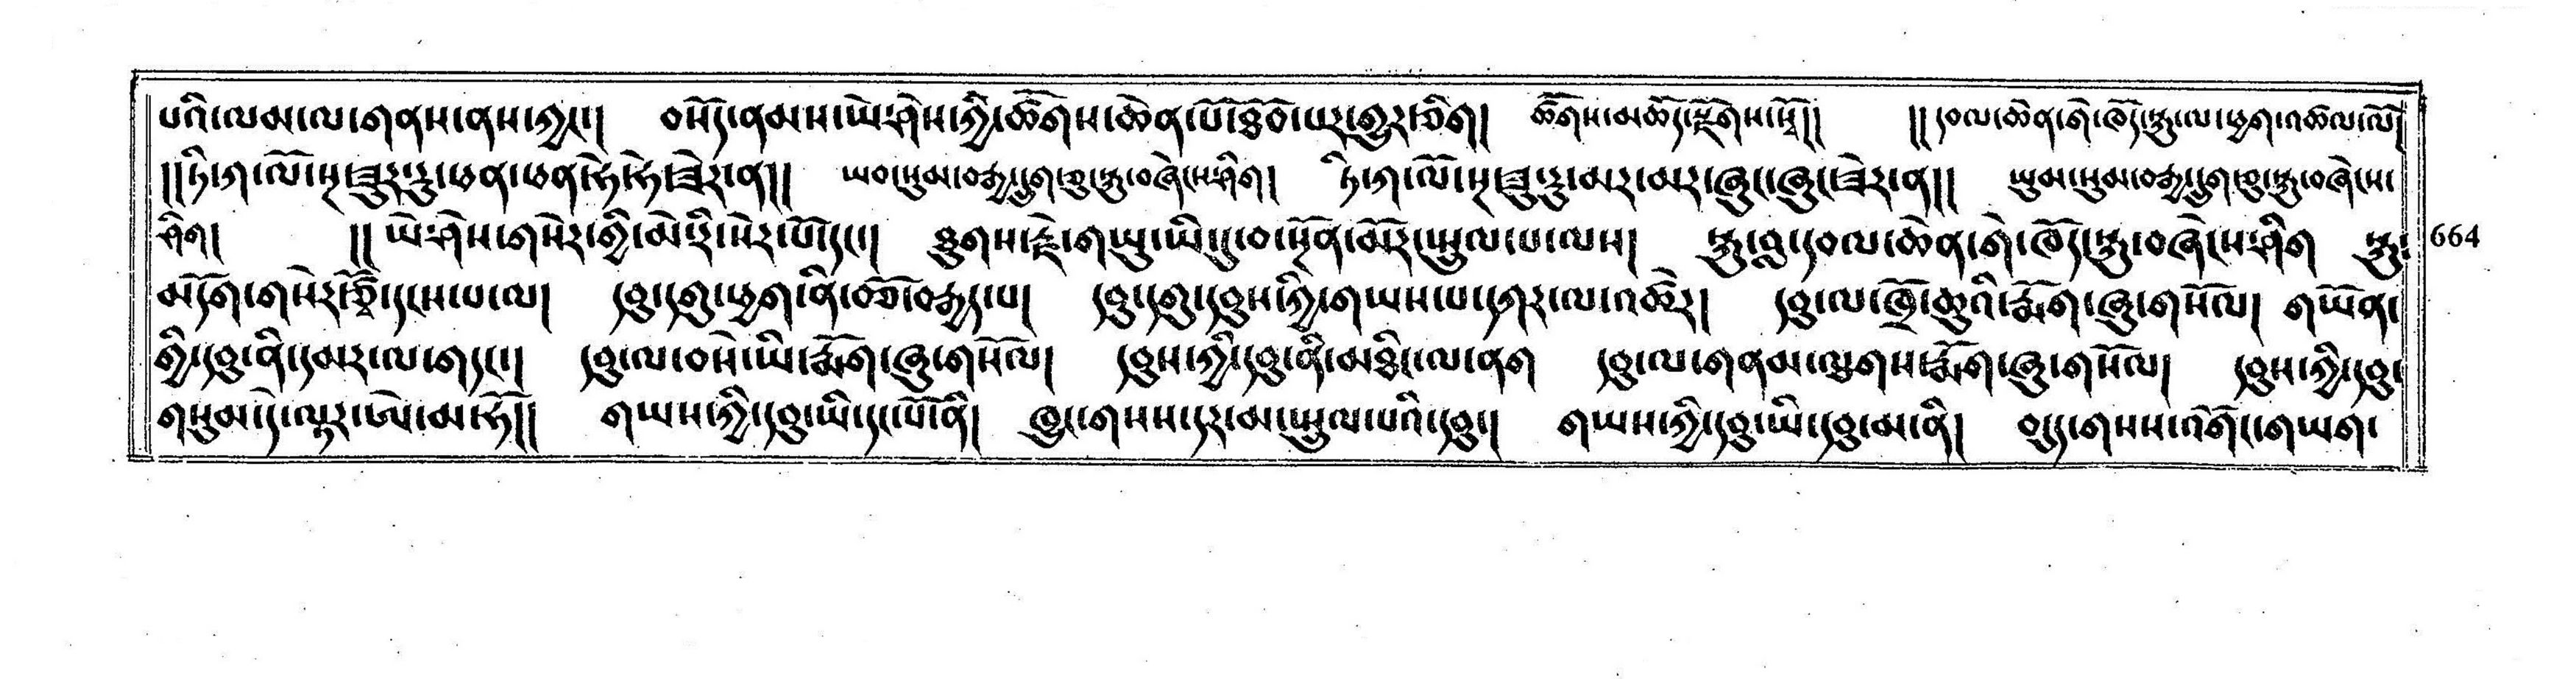པའི་ལམ་ལ་གནས་ནས་ཀྱང་། བསོད་ནམས་ཡེ་ཤེས་ཀྱི་ཚོགས་ཆེན་པོ་ཐོབ་པར་གྱུར་ཅིག ཚོགས་མཆོད་རྫོགས་སྭོ།། །།དབལ་ཆེན་གེ་ཁོད་སྐུ་ལ་ཕྱག་འཚལ་ལོ། 
།།ཏི་ཀ་ལོ་སྔ་ཟུར་རུ་ཕན་ཕན་ཧེ་ཧེ་ཟེར་ན།། ཡབ་སུམ་བརྒྱ་དྲུག་ཅུ་སྐུ་བཞེངས་ཤིག ཏི་ཀ་ལོ་སྔ་ཟུ་རུ་མར་མར་ཞུང་ཞུང་ཟེར་ན།། ཡུམ་སུམ་བརྒྱ་དྲུག་ཅུ་སྐུ་བཞེངས་
ཤིག །།ཡེ་ཤེས་གསེར་གྱི་མེ་རི་སེར་པོ་དང་། ཐུགས་རྗེ་གཡུ་ཡི་དུ་བ་སྔོན་མོར་སྤྲུལ་པ་ལས། སྐུ་བླ་དབལ་ཆེན་གེ་ཁོད་སྐུ་བཞེངས་ཤིག སྐུ་
མདོག་གསེར་ཙྭོ་དངས་པ་ལ། དབུ་དགུ་ཕྱག་ནི་བཅོ་བརྒྱད་པ། དབུ་དགུ་དབུས་ཀྱི་གཡས་པ་དཀར་ལ་འཚེར། དབུ་ལ་ཁྲོ་ཆུའི་རྨོག་ཞུ་གསོལ། གཡོན་
གྱི་དབུ་ནི་དམར་ལ་གདང་། དབུ་ལ་བསེ་ཡི་རྨོག་ཞུ་གསོལ། དབུས་ཀྱི་དབུ་ནི་མཐིང་ལ་ནག དབུ་ལ་གནམ་ལྕགས་རྨོག་ཞུ་གསོལ། དབུས་ཀྱི་དབུ་
གསུམ་དེ་ལྟར་ཨེ་མ་ཧོ།། གཡས་ཀྱི་དབུ་ཡི་དང་པོ་ནི། ཁྱུང་གསས་དར་མ་སྤྲུལ་པའི་དབུ། གཡས་ཀྱི་དབུ་ཡི་དབུ་མ་ནི། བདུད་གསས་འགོང་གཡག་